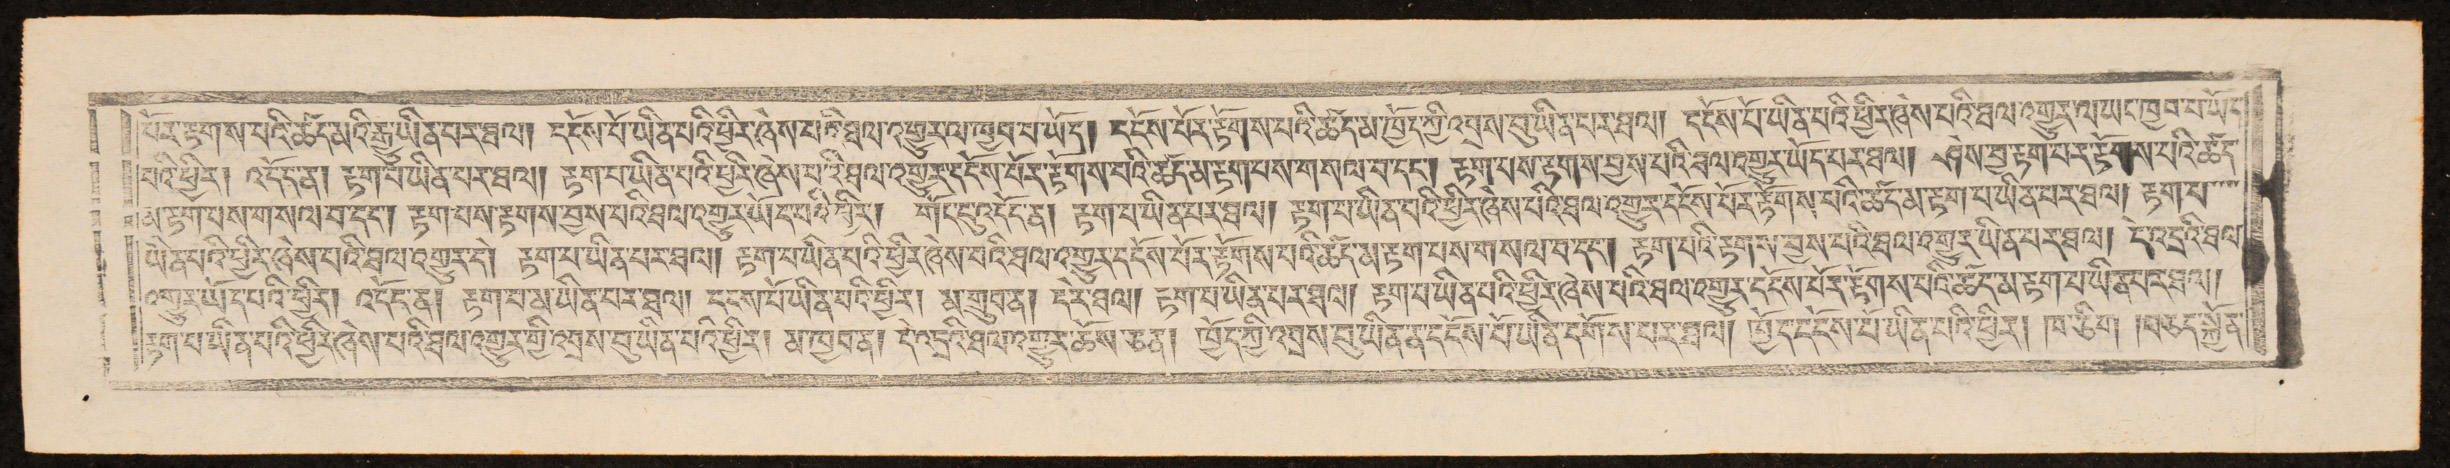པོར་རྟོགས་པའི་ཚད་མའི་རྒྱུ་ཡིན་པར་ཐལ། དངོས་པོ་ཡིན་པའི་ཕྱིར་ཞེས་པའི་ཐལ་འགྱུར་ལ་ཁྱབ་པ་ཡོད། དངོས་པོར་རྟོགས་པའི་ཚད་མ་ཁྱོད་ཀྱི་འབྲས་བུ་ཡིན་པར་ཐལ། དངོས་པོ་ཡིན་པའི་ཕྱིར་ཞེས་པའི་ཐལ་འགྱུར་ལ་ཡང་ཁྱབ་པ་ཡོད་
པའི་ཕྱིར། འདོད་ན། རྟག་པ་ཡིན་པར་ཐལ། རྟག་པ་ཡིན་པའི་ཕྱིར་ཞེས་པའི་ཐལ་འགྱུར་དངོས་པོར་རྟོགས་པའི་ཚད་མ་རྟག་པས་གསལ་བ་དང་། རྟག་པས་རྟགས་བྱས་པའི་ཐལ་འགྱུར་ཡོད་པར་ཐལ། ཤེས་བྱ་རྟག་པར་རྟོགས་པའི་ཚད་
མ་རྟག་པས་གསལ་བ་དང་། རྟག་པས་རྟགས་བྱས་པའི་ཐལ་འགྱུར་ཡོད་པའི་ཕྱིར། གོང་དུ་འདོད་ན། རྟག་པ་ཡིན་པར་ཐལ། རྟག་པ་ཡིན་པའི་ཕྱིར་ཞེས་པའི་ཐལ་འགྱུར་དངོས་པོར་རྟོགས་པའི་ཚད་མ་རྟག་པ་ཡིན་པར་ཐལ། རྟག་པ་
ཡིན་པའི་ཕྱིར་ཞེས་པའི་ཐལ་འགྱུར་དེ། རྟག་པ་ཡིན་པར་ཐལ། རྟག་པ་ཡིན་པའི་ཕྱིར་ཞེས་པའི་ཐལ་འགྱུར་དངོས་པོར་རྟོགས་པའི་ཚད་མ་རྟག་པས་གསལ་བ་དང་། རྟག་པའི་རྟགས་བྱས་པའི་ཐལ་འགྱུར་ཡིན་པར་ཐལ། དེ་འདྲའི་ཐལ་
འགྱུར་ཡོད་པའི་ཕྱིར། འདོད་ན། རྟག་པ་མ་ཡིན་པར་ཐལ། དངོས་པོ་ཡིན་པའི་ཕྱིར། མ་གྲུབ་ན། དེར་ཐལ། རྟག་པ་ཡིན་པར་ཐལ། རྟག་པ་ཡིན་པའི་ཕྱིར་ཞེས་པའི་ཐལ་འགྱུར་གྱི་དངོས་པོར་རྟོགས་པའི་ཚད་མ་རྟག་པ་ཡིན་པར་ཐལ།
རྟག་པ་ཡིན་པའི་ཕྱིར་ཞེས་པའི་ཐལ་འགྱུར་གྱི་འབྲས་བུ་ཡིན་པའི་ཕྱིར། མ་ཁྱབ་ན། དེ་འདྲའི་ཐལ་འགྱུར་ཆོས་ཅན། ཁྱོད་ཀྱི་འབྲས་བུ་ཡིན་ན་དངོས་པོ་ཡིན་དགོས་པར་ཐལ། ཁྱོད་དངོས་པོ་ཡིན་པའི་ཕྱིར། ཁ་ཅིག །བཅད་སྐྱོན་